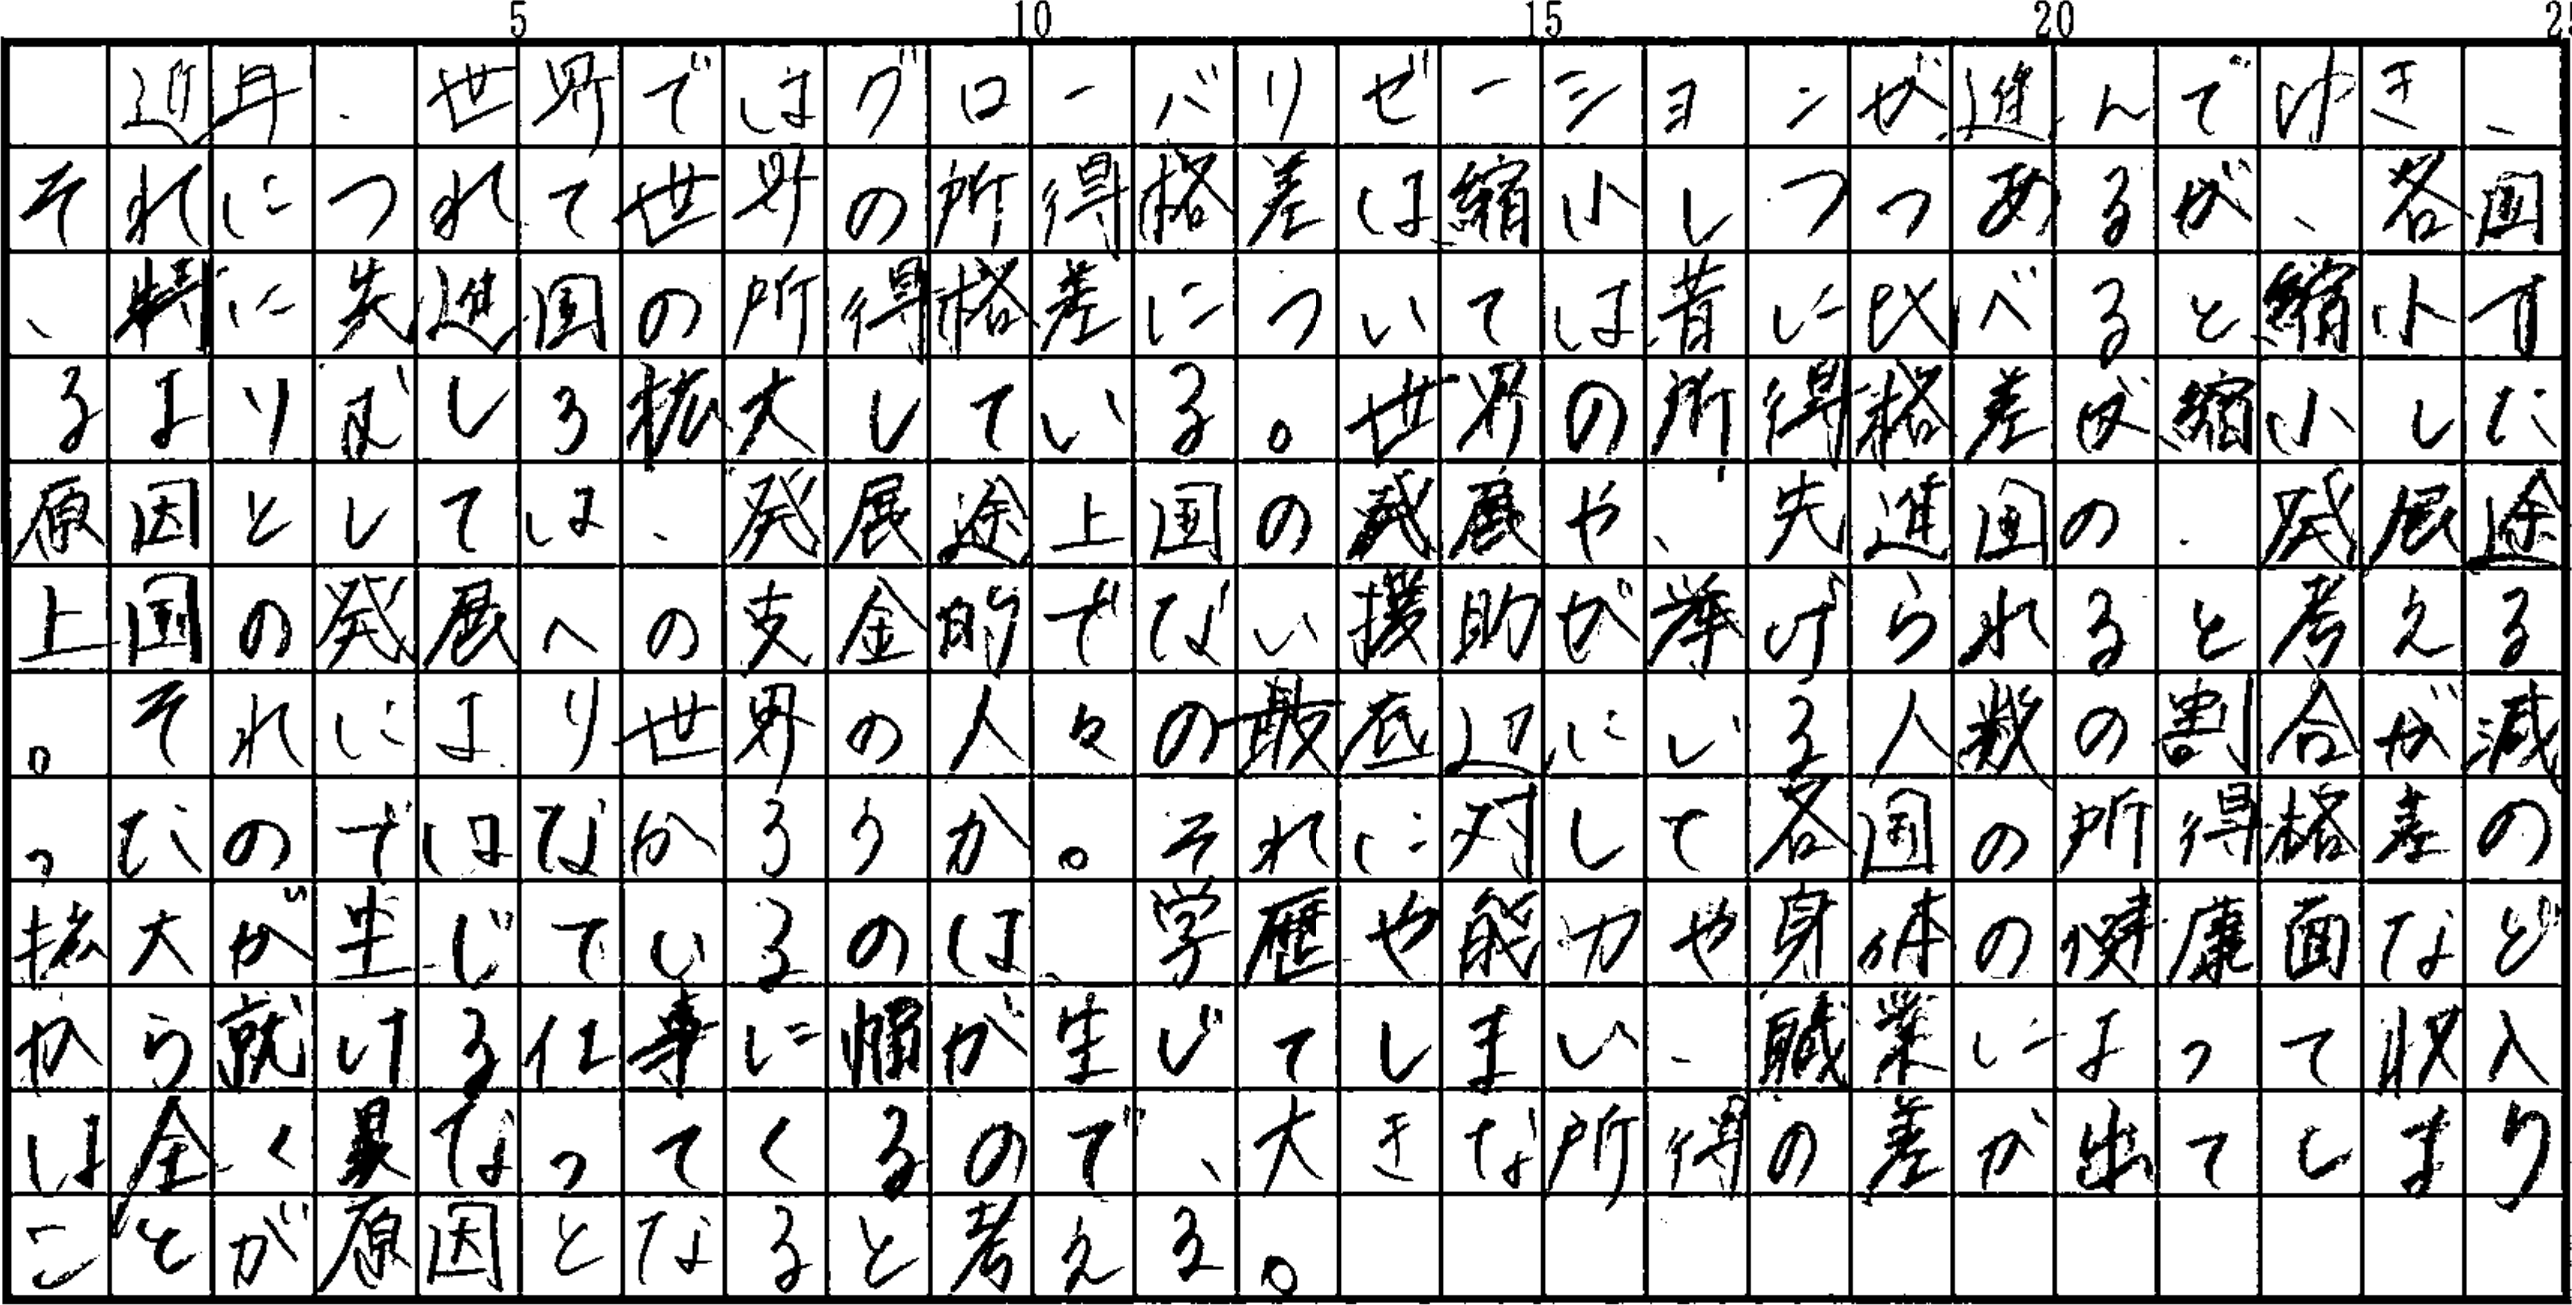　近年、世界ではグローバリゼーションが進んでゆき、それにつれて世界の所得格差は縮小しつつあるが、各国、特に先進国の所得格差については昔に比べると縮小するよりむしろ拡大している。世界の所得格差が縮小した原因としては、発展途上国の発展や、先進国の、発展途上国の発展への支金的でない援助が挙げられると考える。それにより世界の人々の最底辺にいる人数の割合が減ったのではなかろうか。それに対して各国の所得格差の拡大が生じているのは、学歴や能力や身体の健康面などから就ける仕事に幅が生じてしまい、職業によって収入は全く異なってくるので、大きな所得の差が出てしまうことが原因となると考える。
